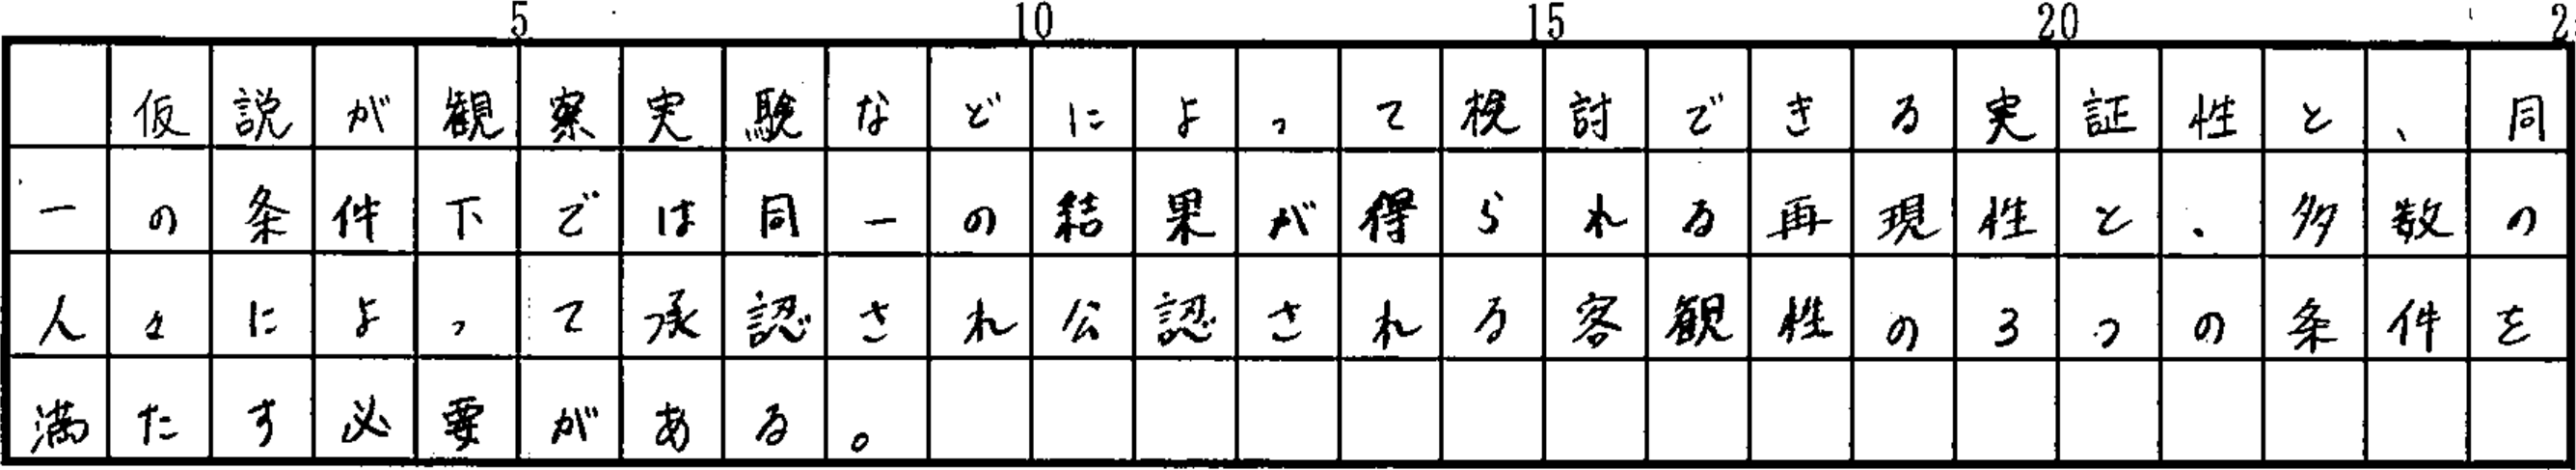　仮説が観察実験などによって検討できる実証性と、同一の条件下では同一の実験が得られる再現性と、多数の人々によって承認され公認される客観性の３つの条件を満たす必要がある。
